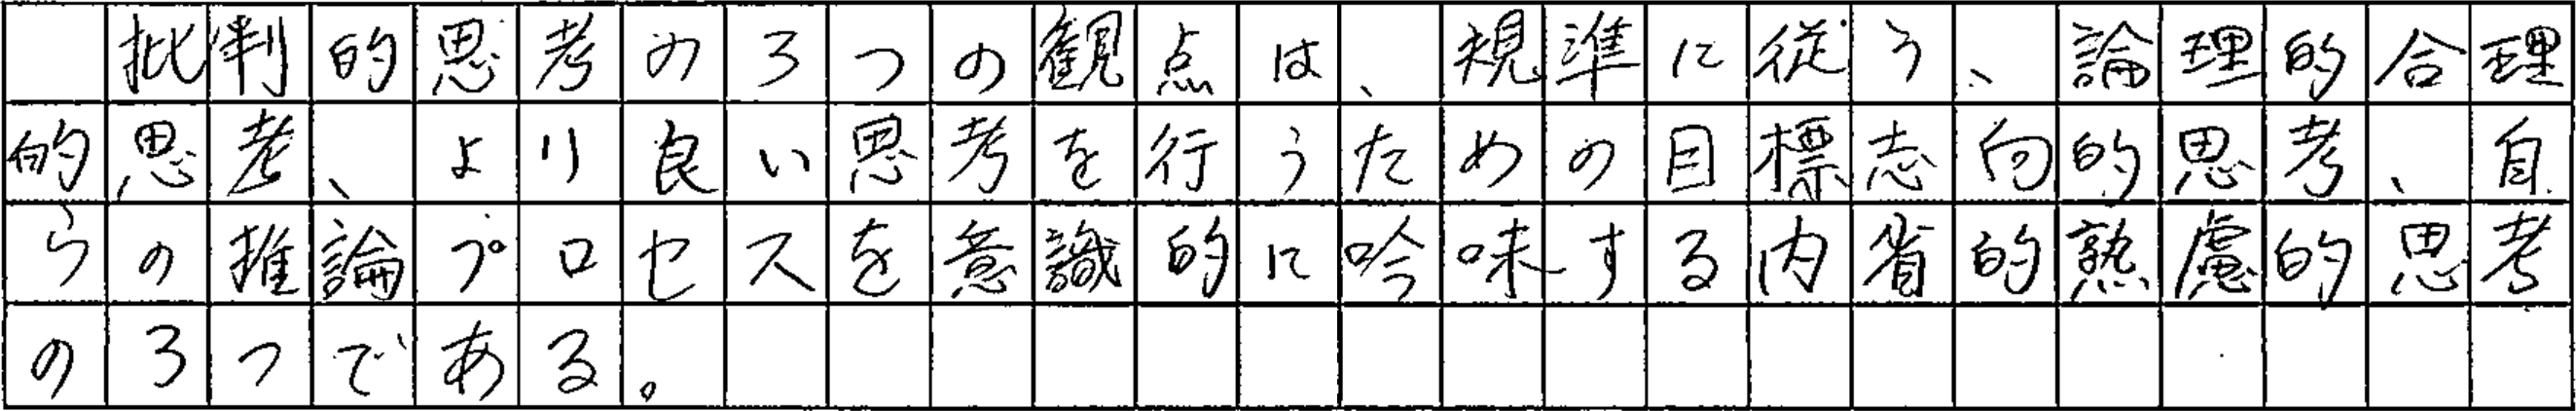　批判的思考の３つの観点は、規準に従う、論理的合理的思考、より良い思考を行うための目標志向的思考、自らの推論プロセスを意識的に吟味する内省的熟慮的思考の３つである。
